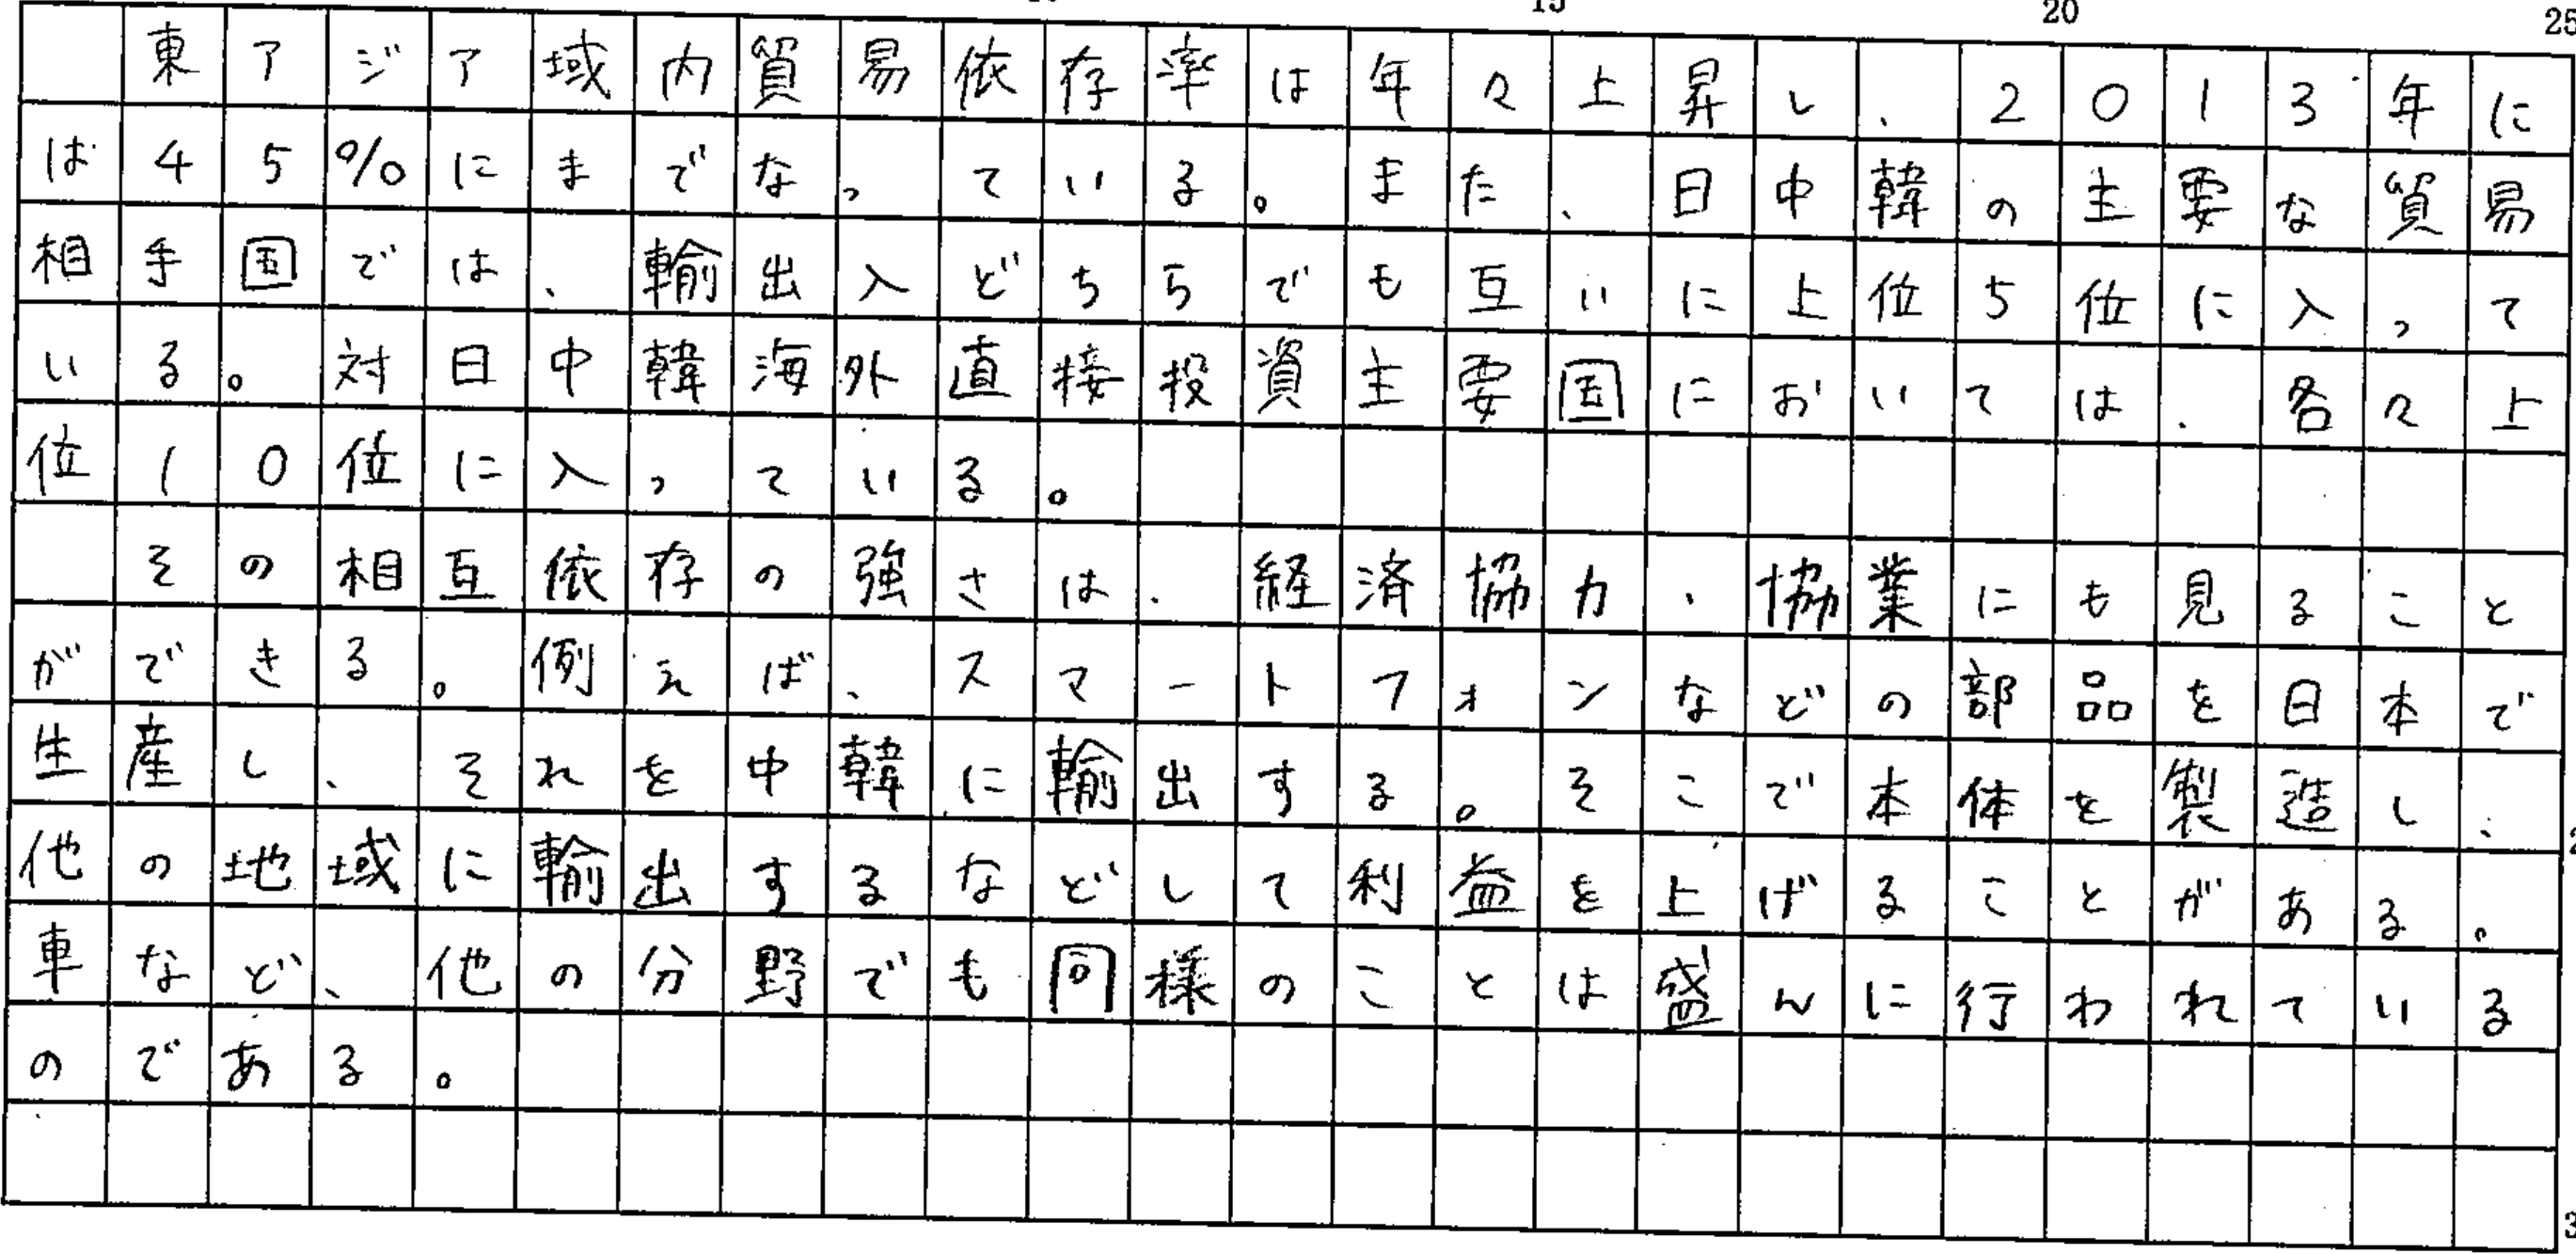　東アジア域内貿易依存率は年々上昇し、２０１３年には４５％にまでなっている。また、日中韓の主要な貿易相手国では、輸出入どちらでも互いに上位５位に入っている。対日中韓海外直接投資主要国においては、各々上位１０位に入っている。
　その相互依存の強さは、経済協力、協業にも見ることができる。例えば、スマートフォンなどの部品を日本で生産し、それを中韓に輸出する。そこで本体を製造し、他の地域に輸出するなどして利益を上げることがある。車など、他の分野でも同様のことは盛んに行われているのである。
